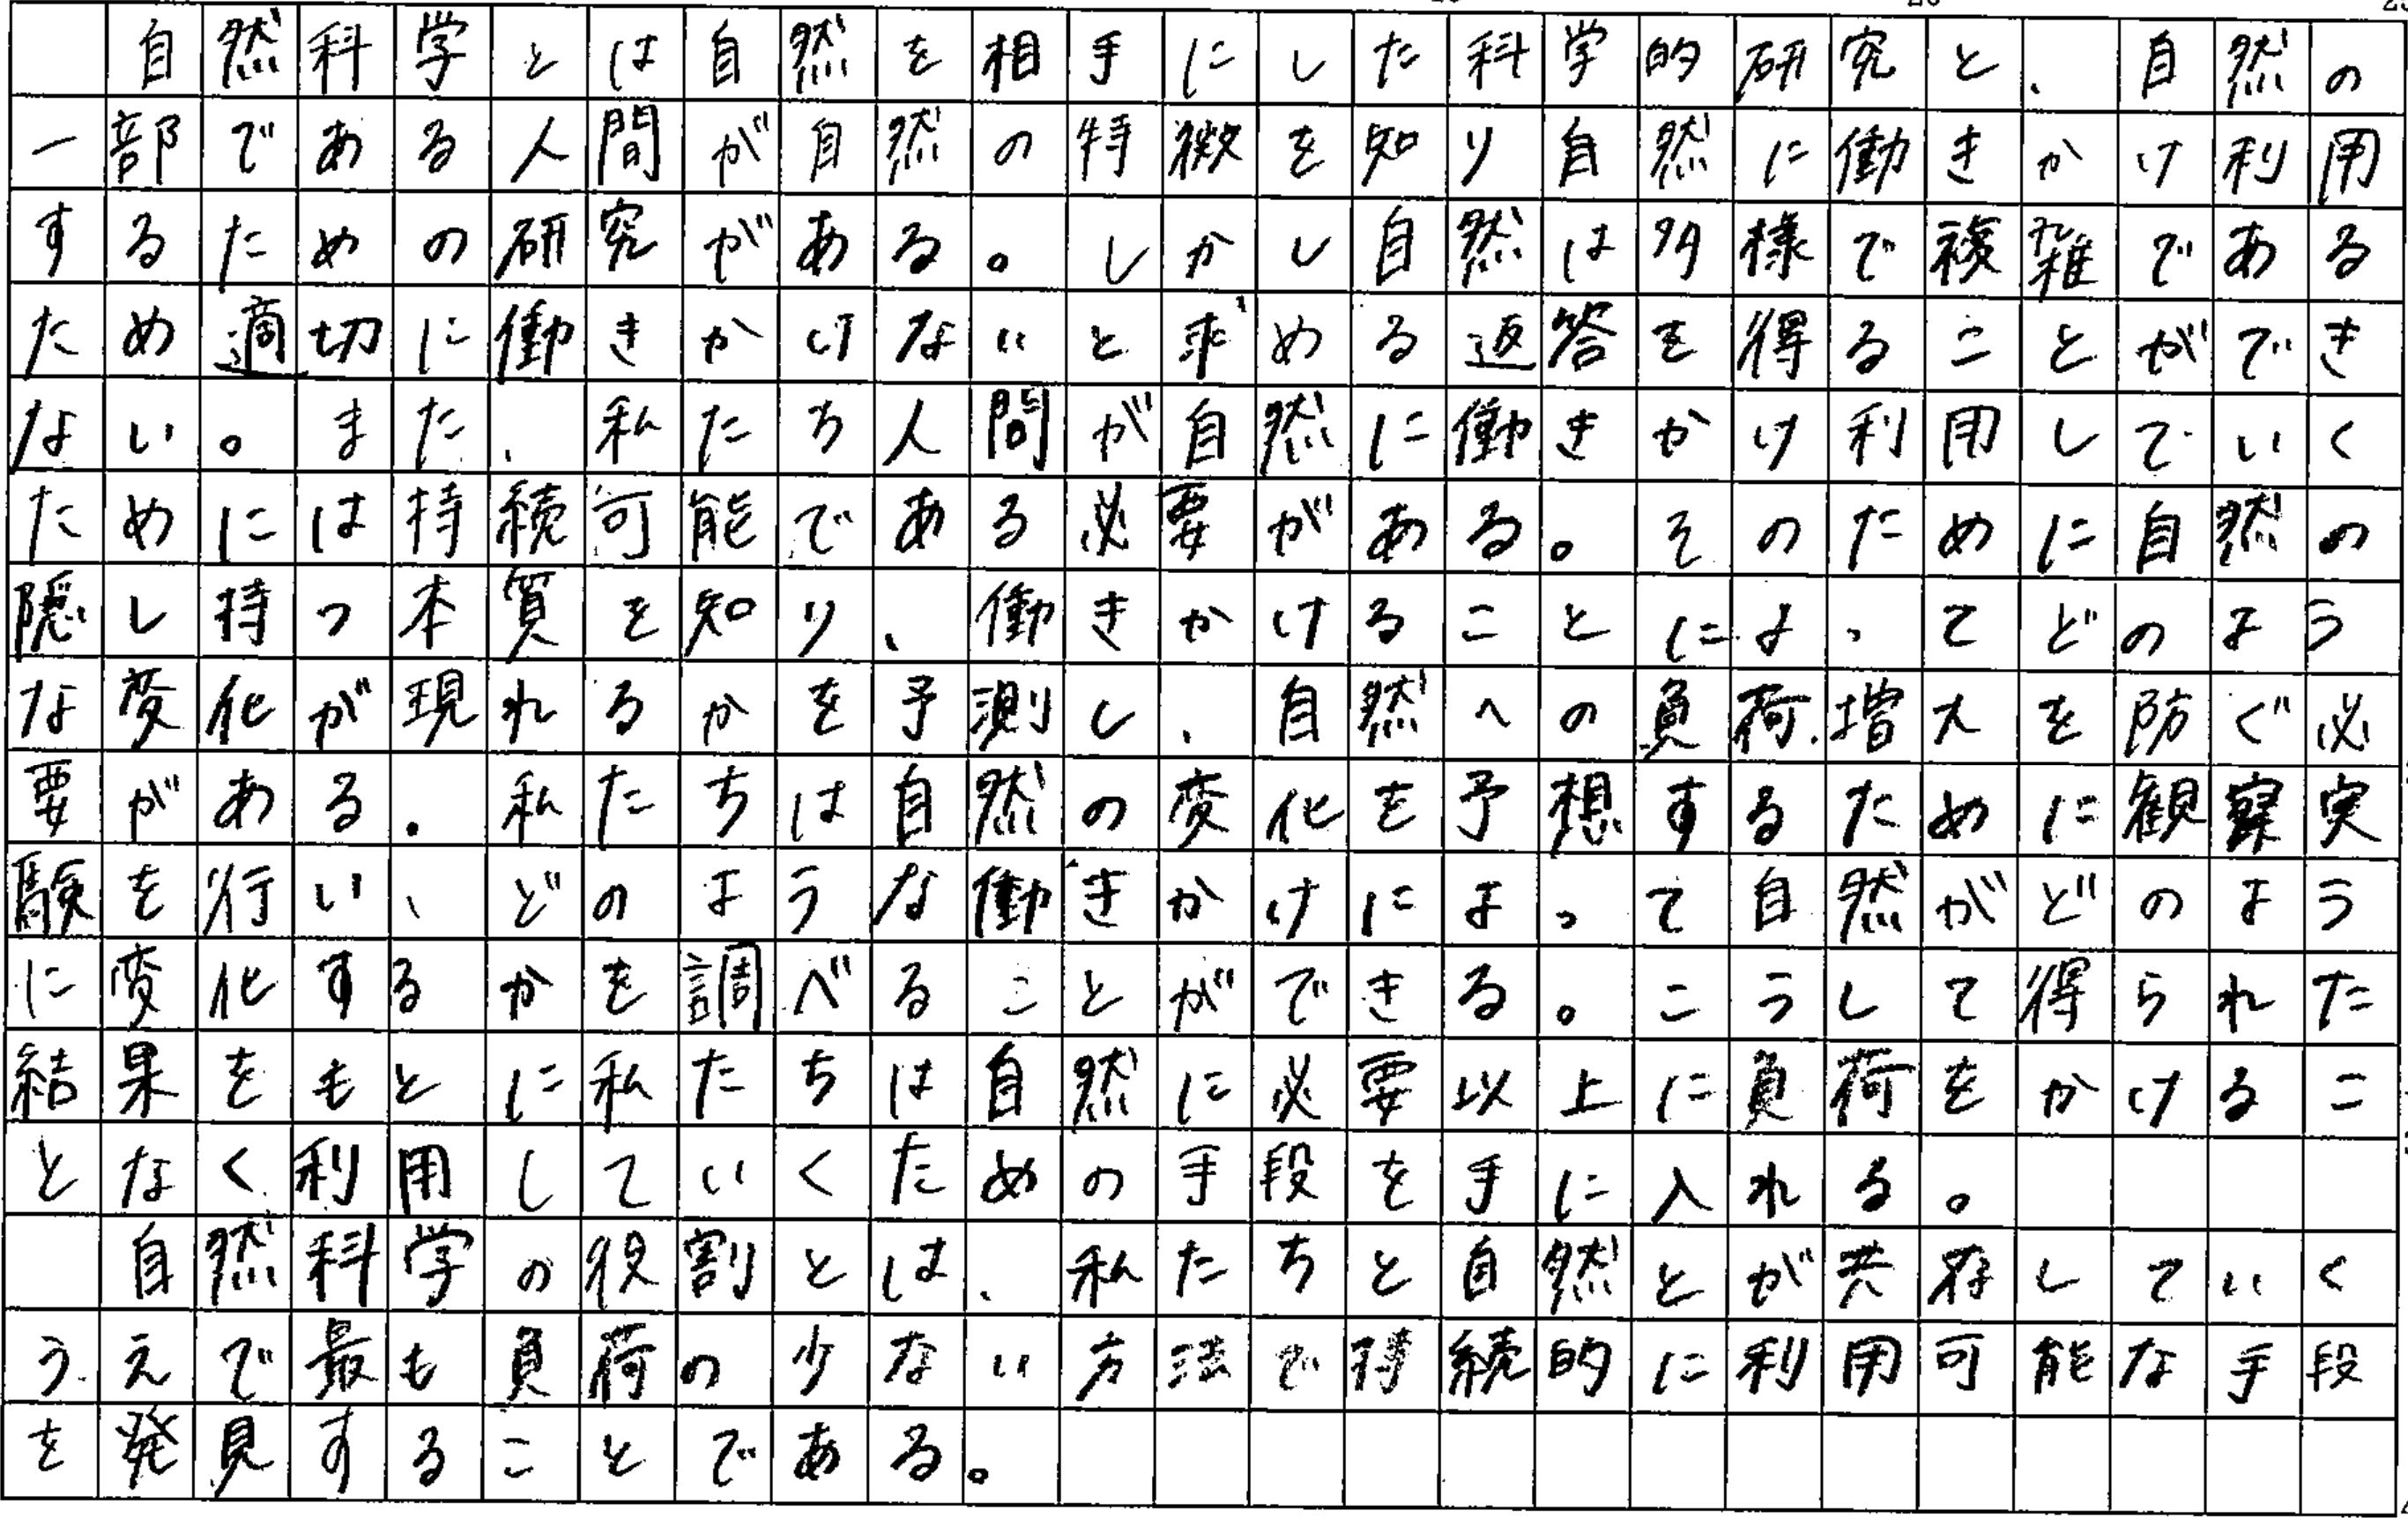　自然科学とは自然を相手にした科学的研究と、自然の一部である人間が自然の特微を知り自然に働きかけ利用するための研究がある。しかし自然は多様で複雑であるため適切に働きかけないと求める返答を得ることができない。また、私たち人間が自然に働きかけ利用していくためには持続可能である必要がある。そのために自然の隠し持つ本質を知り、働きかけることによってどのような変化が現れるかを予測し、自然への負荷増大を防ぐ必要がある。私たちは自然の変化を予想するために観察実験を行い、どのような働きかけによって自然がどのように変化するかを調べることができる。こうして得られた結果をもとに私たちは自然に必要以上に負荷をかけることなく利用していくための手段を手に入れる。
　自然科学の役割とは、私たちと自然とが共存していくうえで最も負荷の少ない方法で持続的に利用可能な手段を発見することである。
